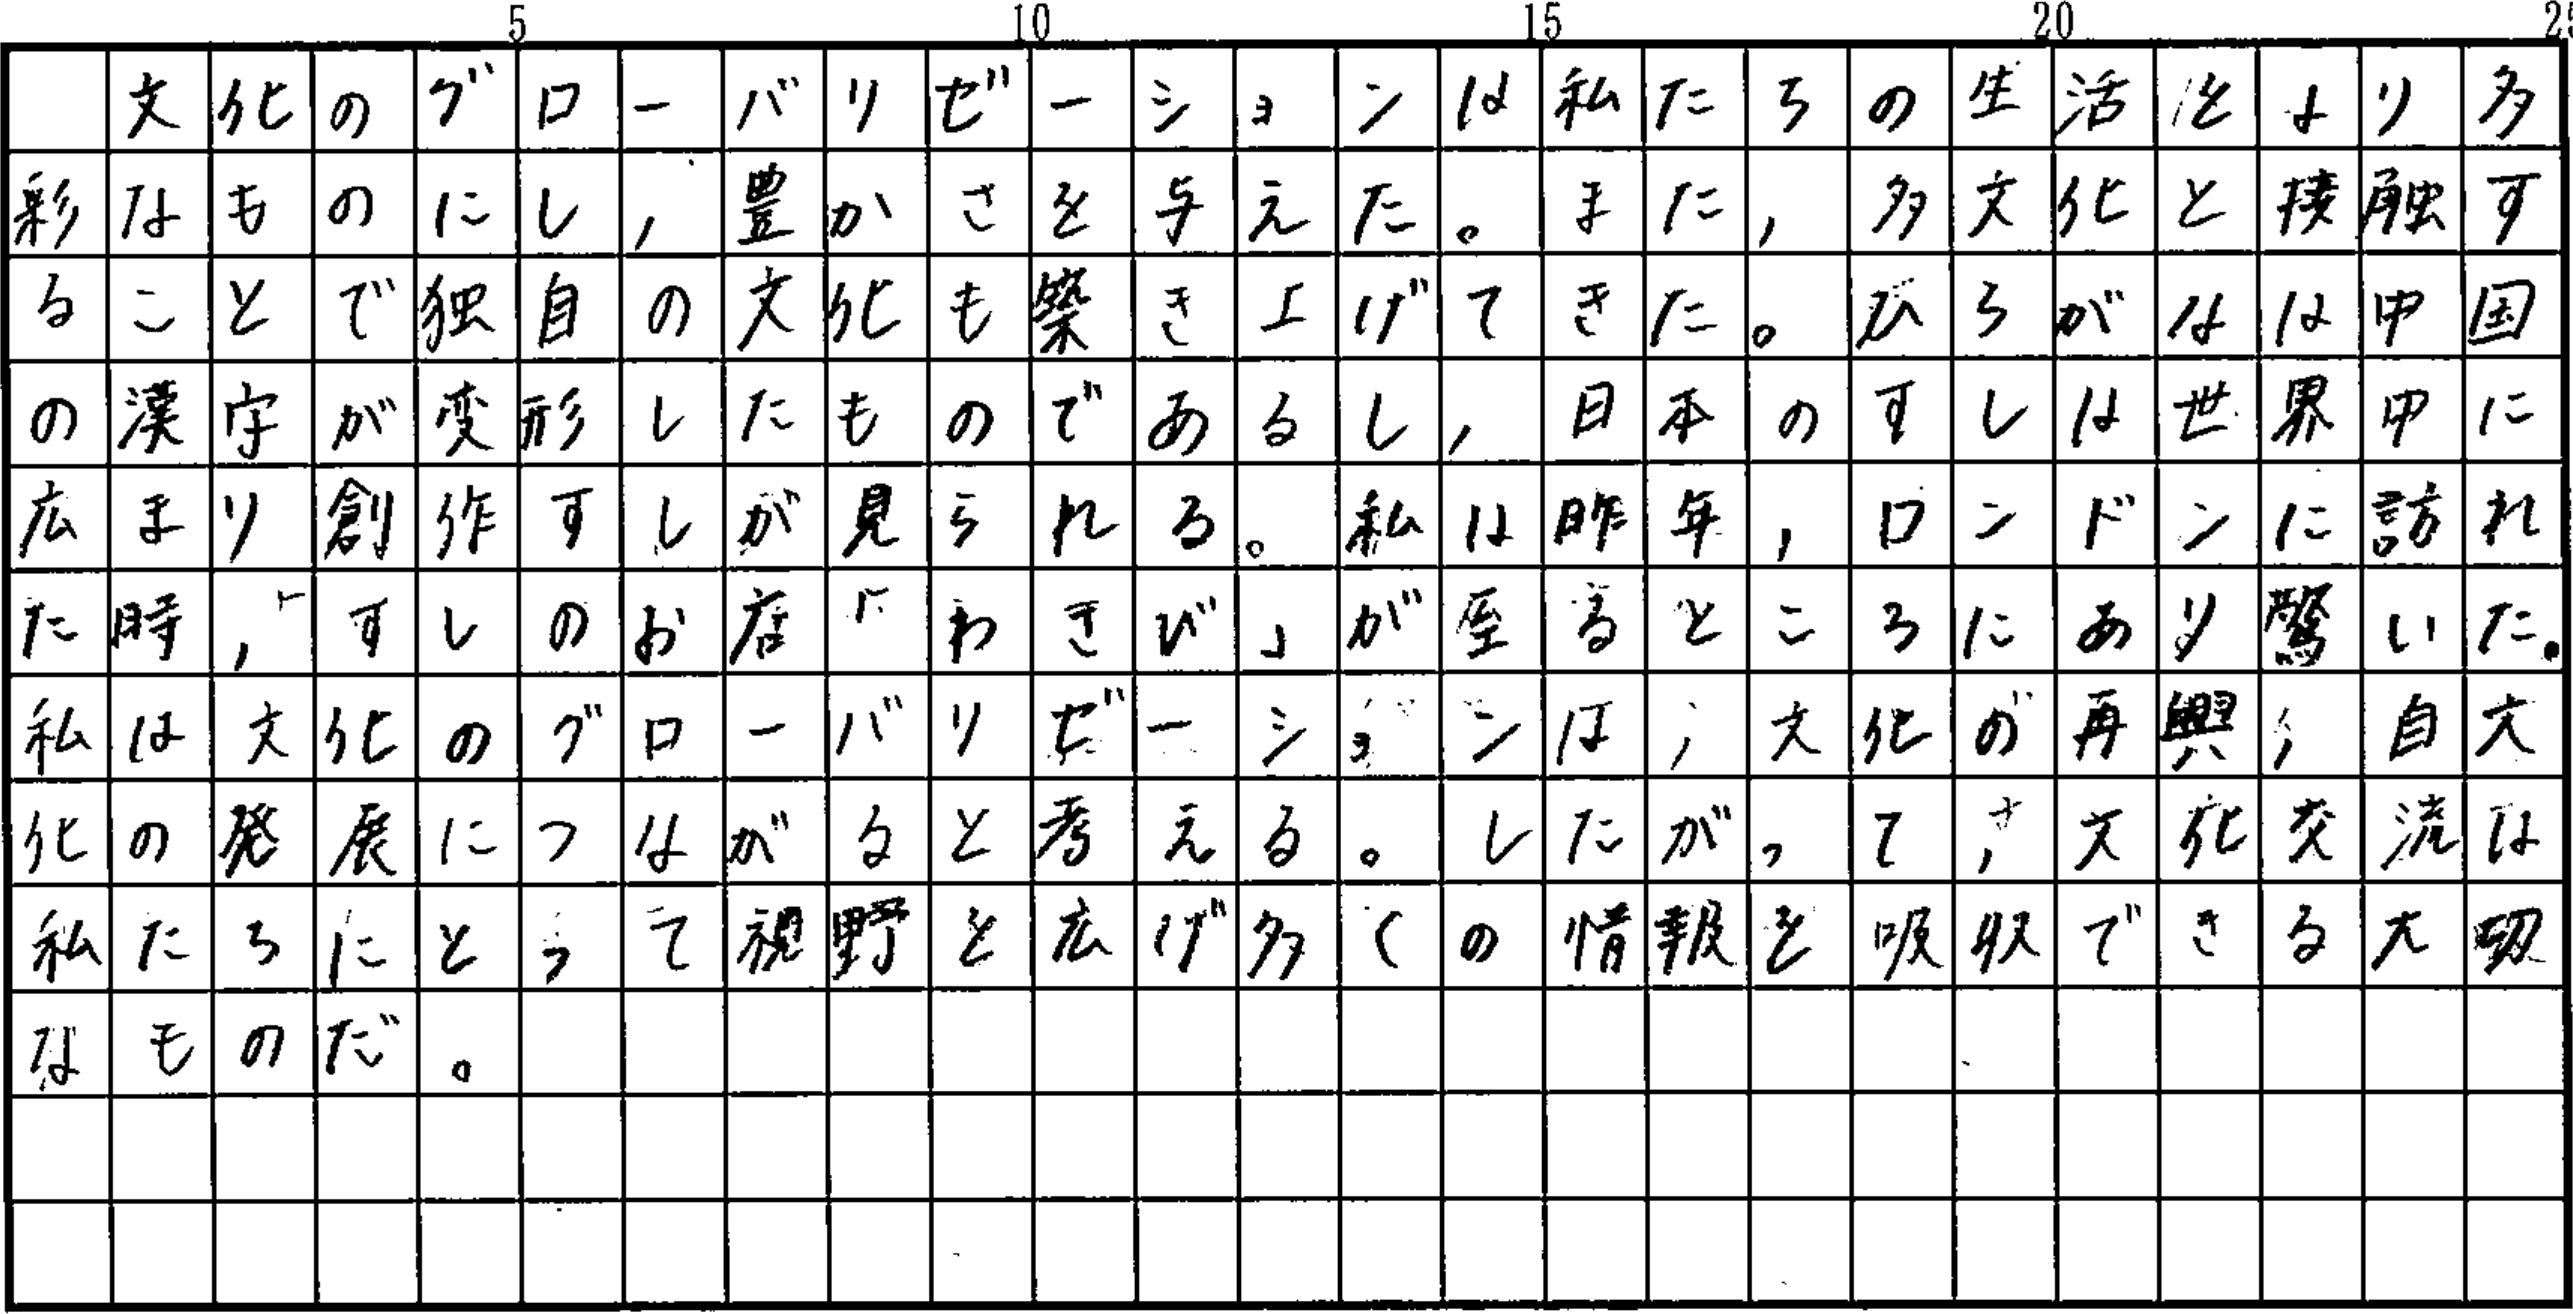　文化のグローバリゼーションは私たちの生活をより多彩なものにし、豊かさを与えた。また、多文化と接触することで独自の文化も築き上げてきた。ひらがなは中国の漢字が変形したものであるし、日本のすしは世界中に広まり創作すしが見られる。私は昨年、ロンドンに訪れた時、すしのお店「わさび」が至るところにあり驚いた。私は文化のグローバリゼーションは、文化の再興、自文化の発展につながると考える。したがって、文化交流は私たちにとって視野を広げ多くの情報を吸収できる大切なものだ。
